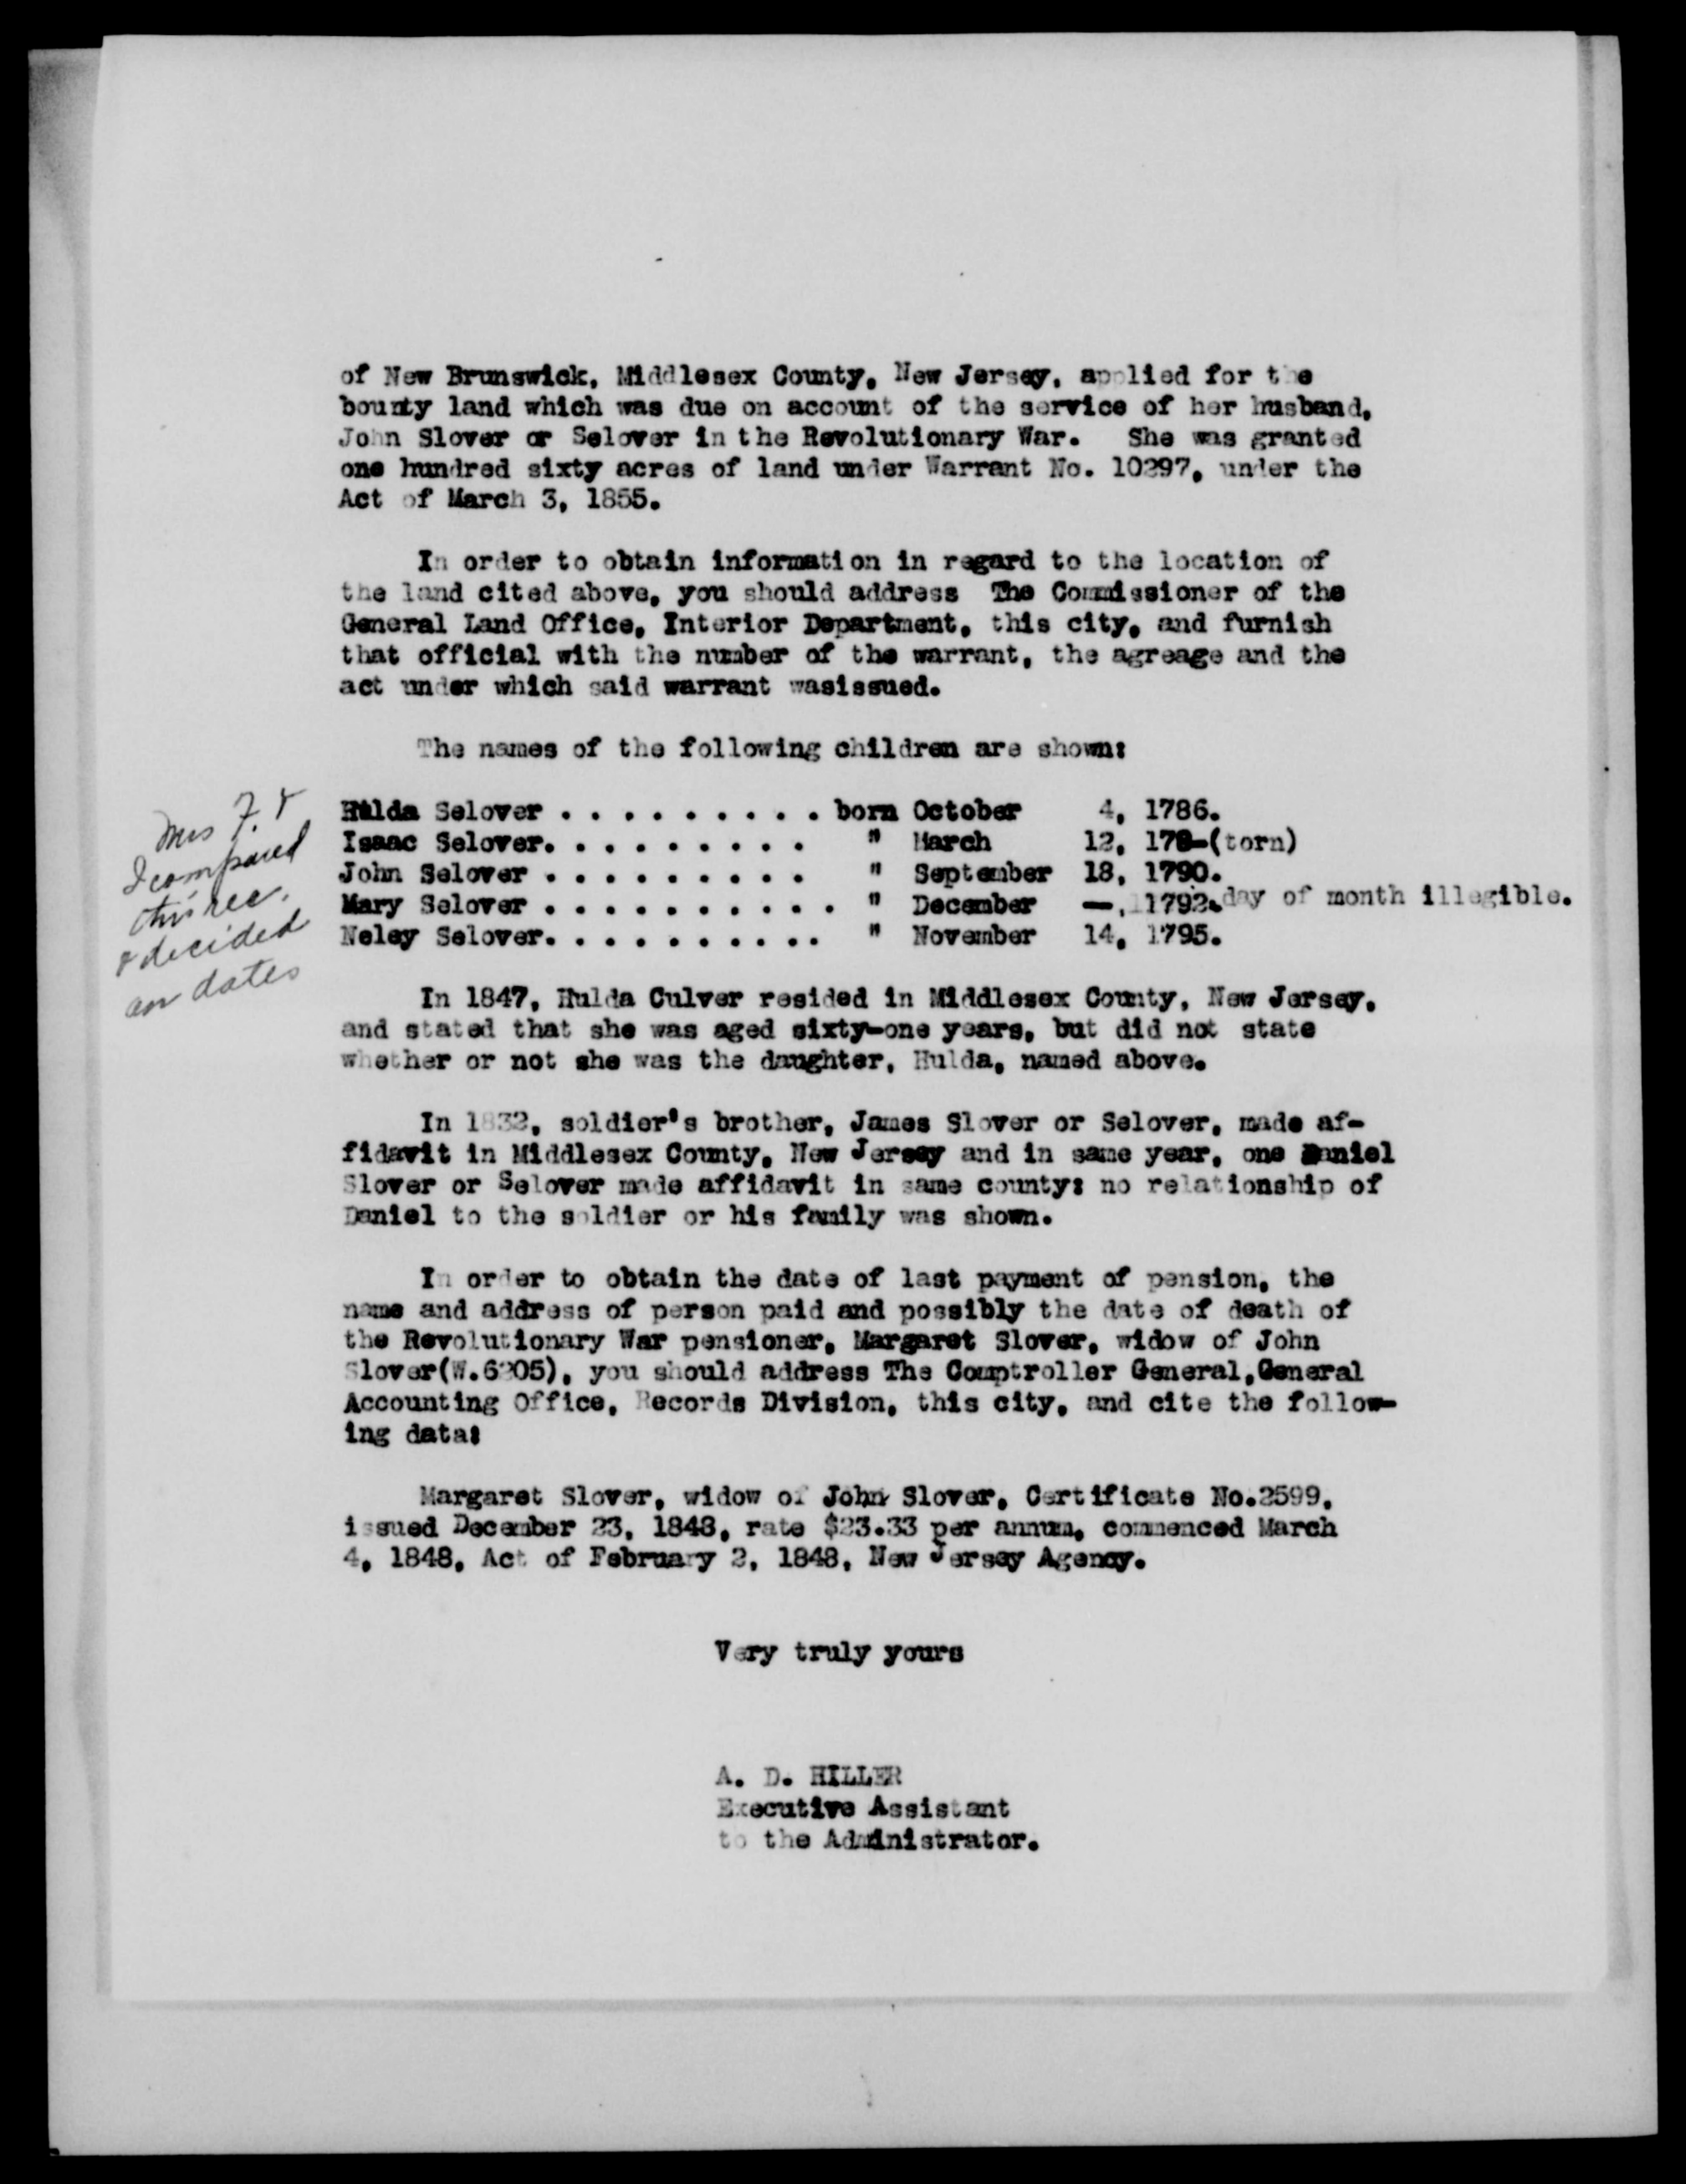...of New Brunswick, Middlesex County, New Jersey, applied for the bounty land which was due on account of the service of her husband, John Slover or Selover in the Revolutionary War. She was granted one hundred sixty acres of land under Warrant No. 10297, under the Act of March 3, 1855.

In order to obtain information in regard to the location of the land cited above, you should address The Commissioner of the General Land Office, Interior Department, this city, and furnish that official with the number of the warrant, the agreage [acreage] and the act under which said warrant was issued.

The names of the following children are shown:
Hilda Selover, born October 4, 1786.
Isaac Selover, (born) March 12, 179-(torn)
John Selover, (born) September 18, 1790.
Mary Selover, (born) December -- 1792, day of month illegible.
Neley Selover, (born) November 14, 1795.

(Mrs. F(inch): I compared this rec(ord) & decided on dates.)

In 1847, Hulda Culver resided in Middlesex County, New Jersey, and stated that she was aged sixty-one years, but did not state whether or not she was the daughter, Hulda, named above.

In 1832, soldier's brother, James Slover or Selover, made affidavit in Middlesex County, New Jersey and in same year, one Daniel Slover or Selover made affidavit in same county; no relationship of Daniel to the soldier or his family was shown.

In order to obtain the date of last payment of pension, the name and address of person paid and possibly the date of death of the Revolutionary War pensioner, Margaret Slover, widow of John Slover (W.6205), you should address The Comptroller General, General Accounting Office, Records Division, this city, and cite the following data:

Margaret Slover, widow of John Slover, Certificate No. 2599, issued December 23, 1843, rate $23.33 per annum, commenced March 4, 1848, Act of February 2, 1848, New Jersey Agency.

Very truly yours
A.D. HILLER
Executive Assistant to the Administrator.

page: 43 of 46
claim: widow's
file: W. 6205, for John Slover, New Jersey